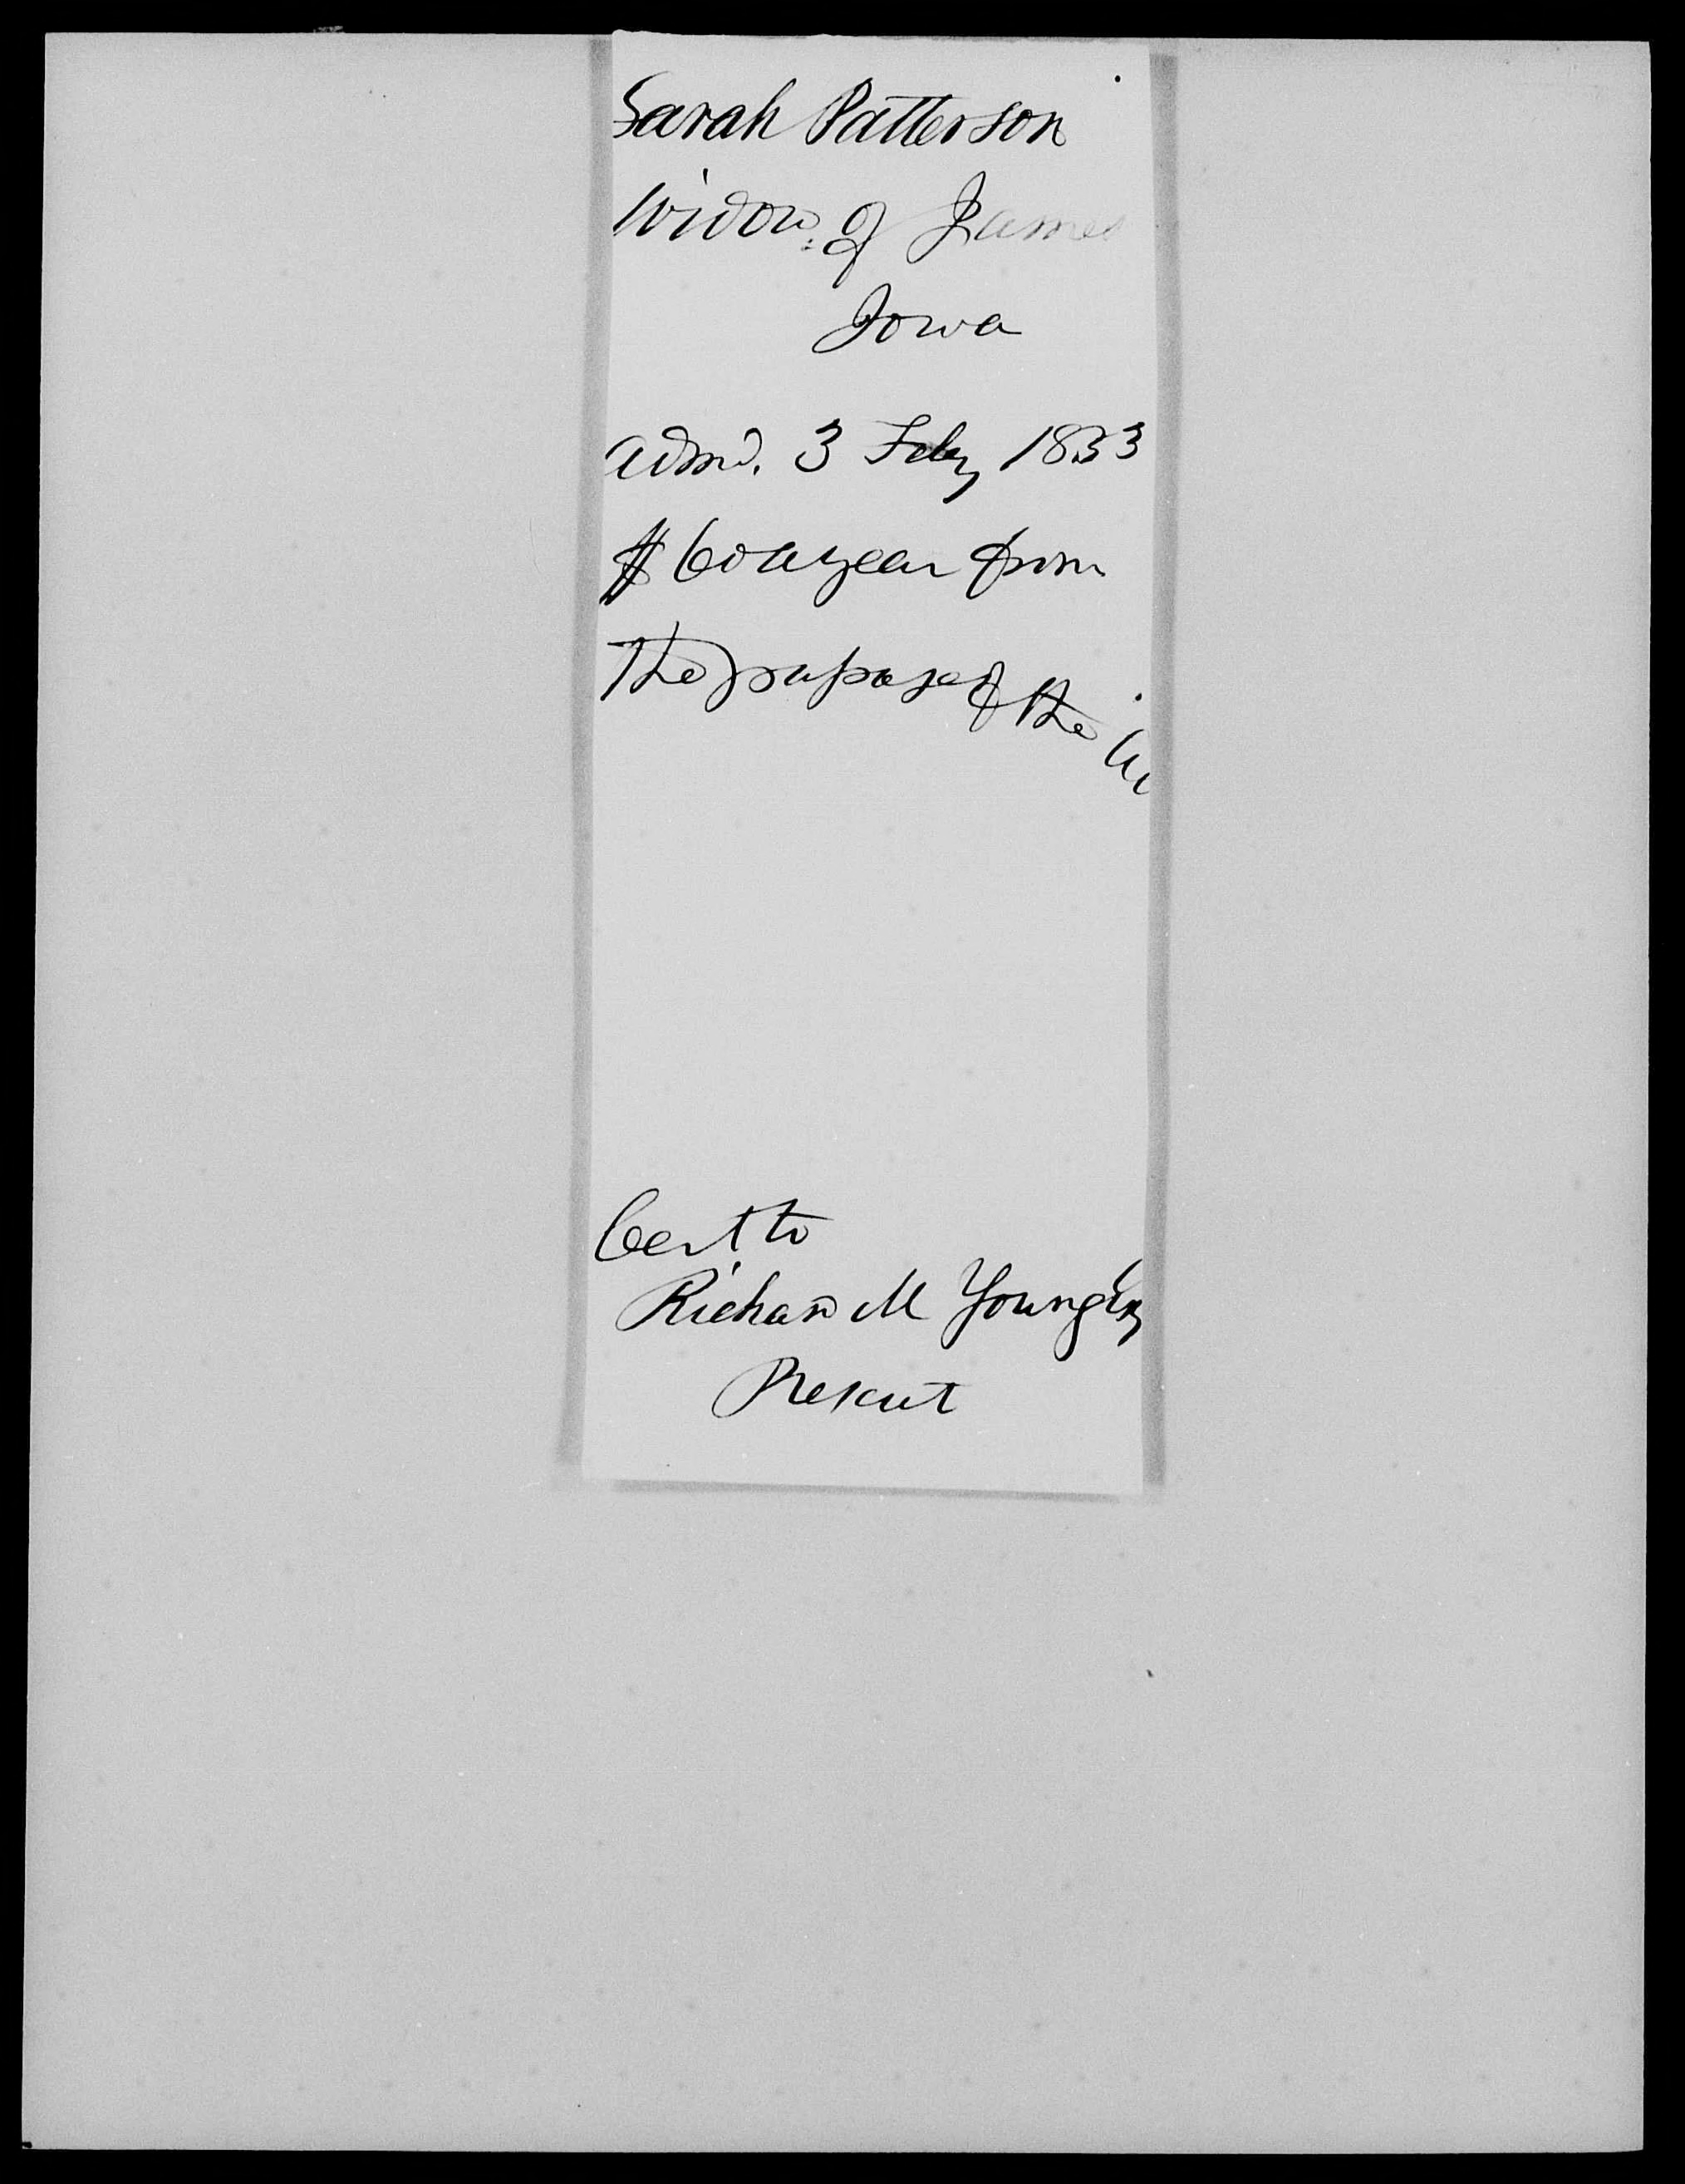Sarah Patterson 
Widow of James 
Iowa 

Admd. 3 Feby 1853
$60 a year from 
the [illegible papage of the ae] 

Cert to 
Richard M Young Esq
Present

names: James Patterson; Richard M Young; Sarah Patterson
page: 44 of 69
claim: widow's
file: W. 10861, for James Patterson, North Carolina